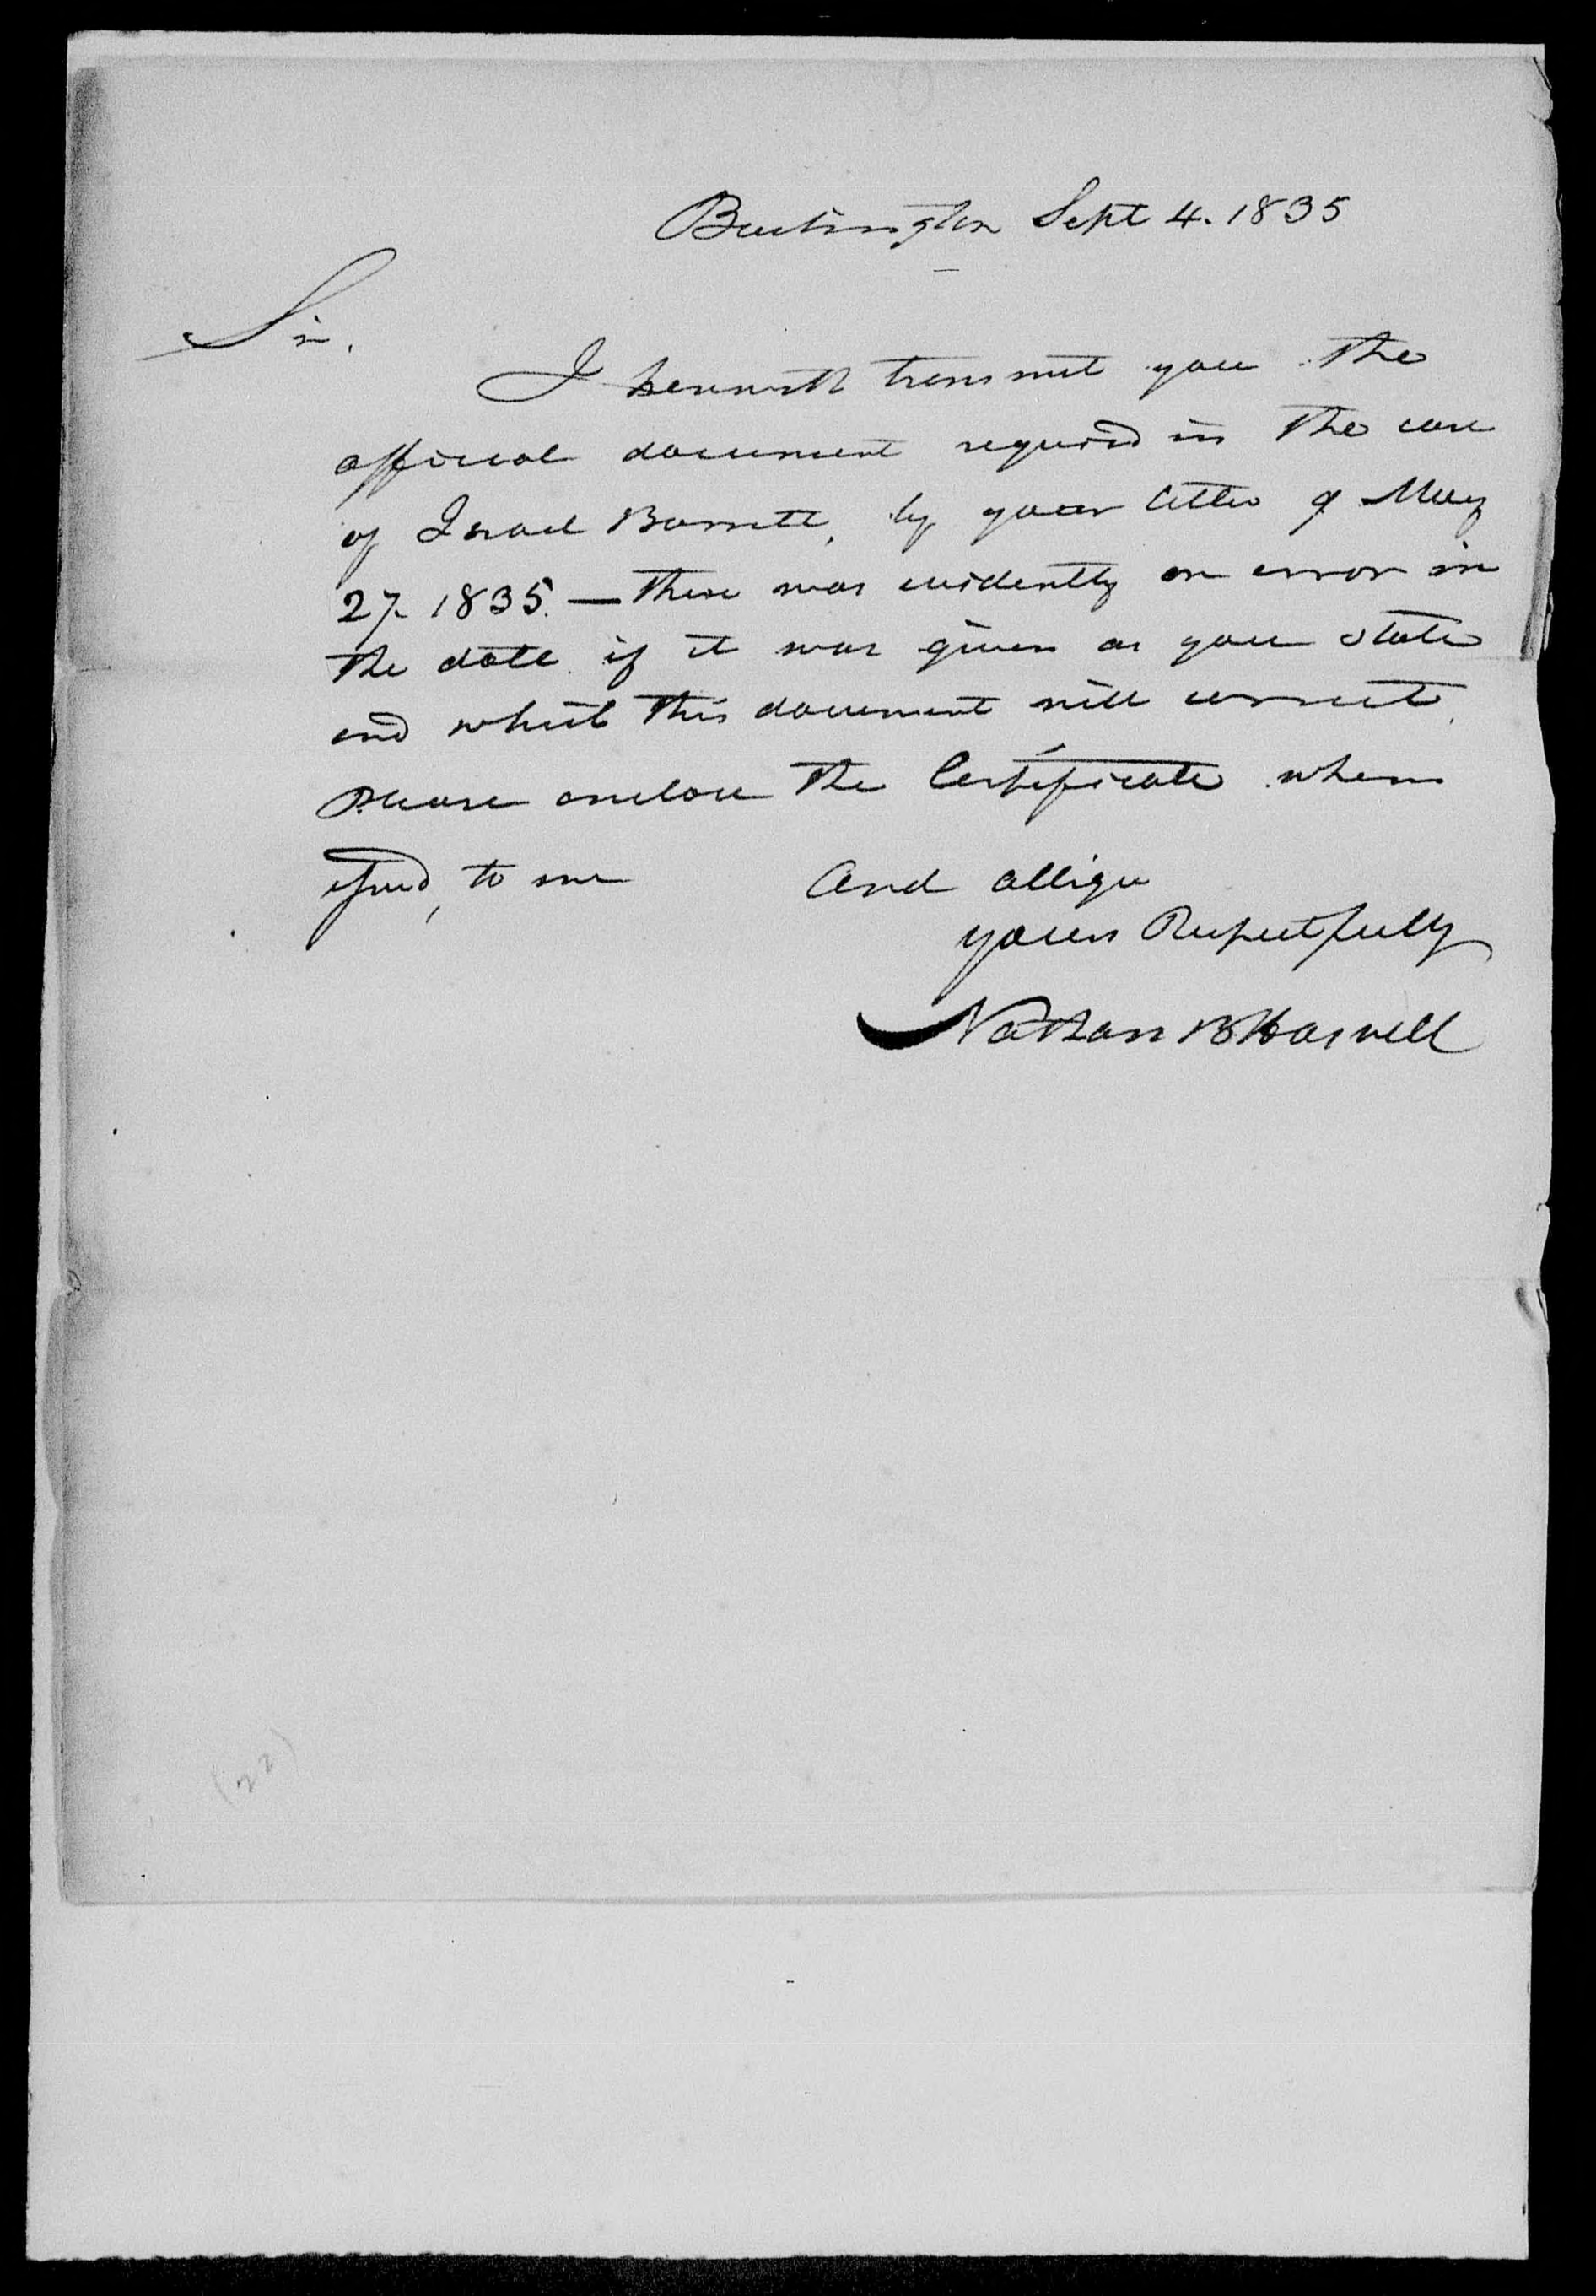Burlington Sept 4, 1835
Sir,
I herewith transmit you the
official document required in the case
of Israel Barett, by your letter of May
27. 1835--there was evidently an error in
the date if it was given as you state
and which this document will correct
Please enclose the certificate when found, to me
and allign
yours Respectfully
Nathan B Haswell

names: Israel Barrett, Nathan B Haswel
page: 25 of 76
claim: widow's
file: W. 5,250, Timothy Coe, Conn.